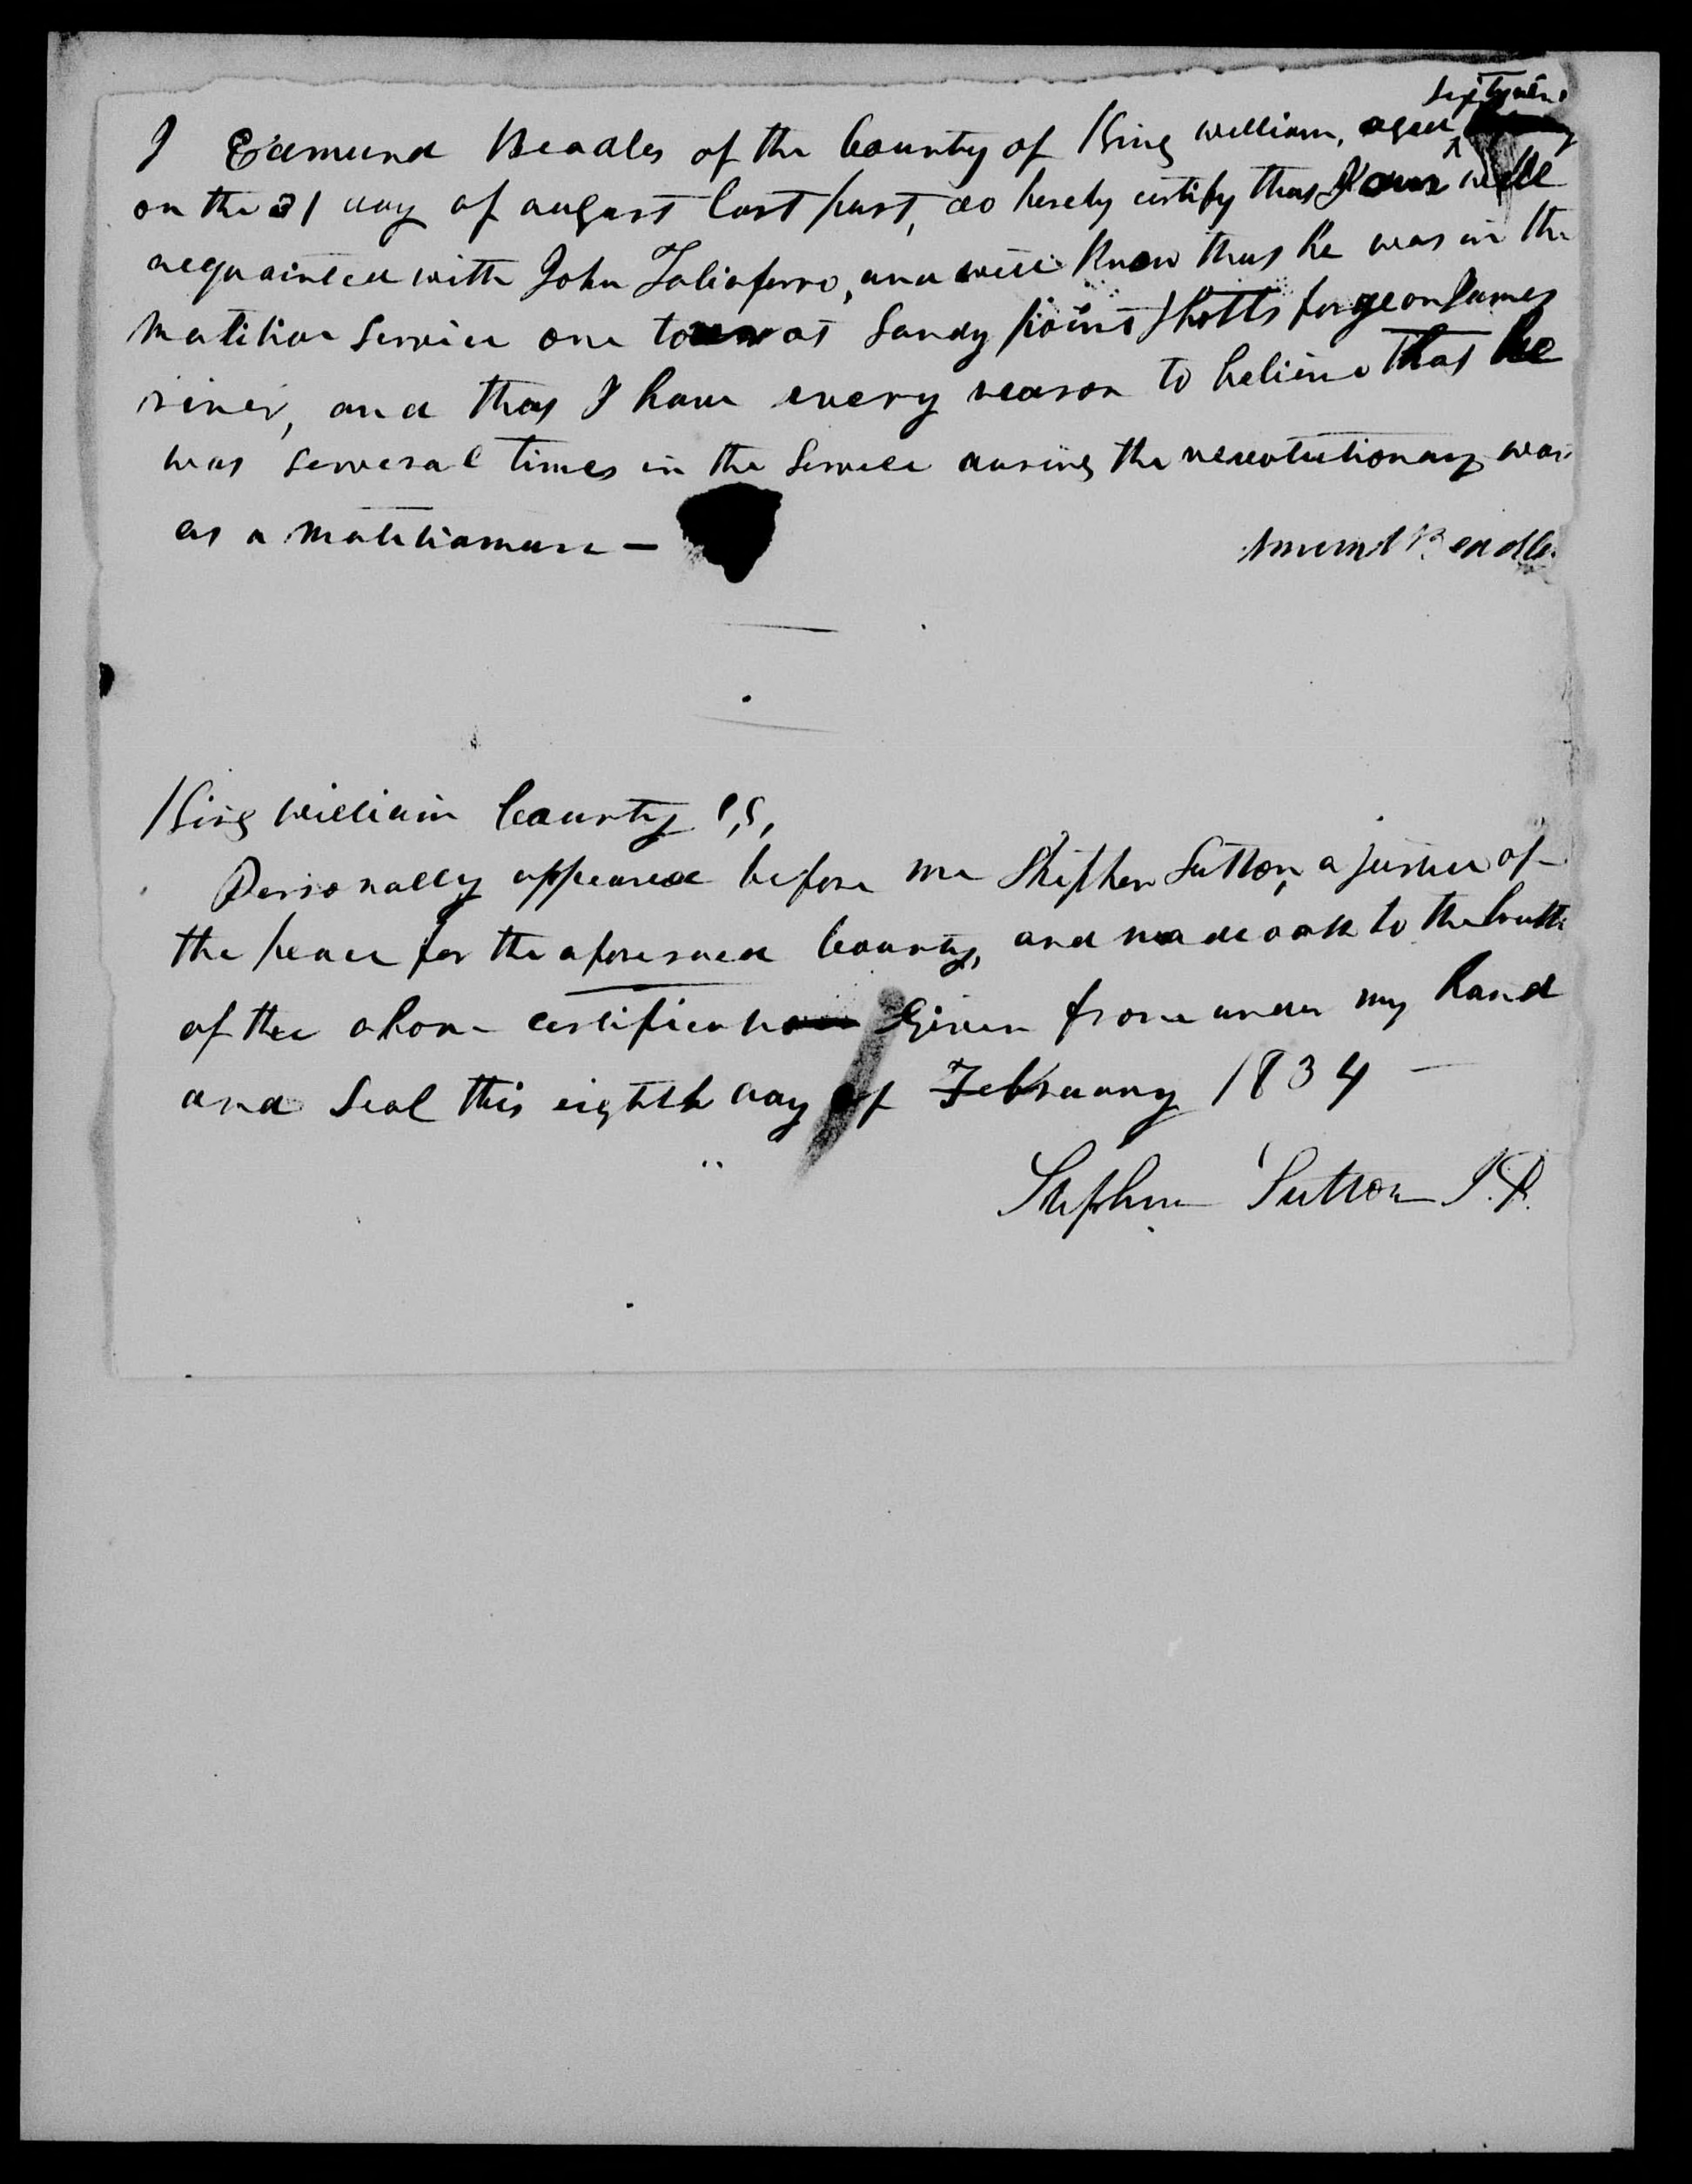I Edmund Beadles of the County of King William aged sixty nine on the 31 day of August last part, do hereby certify that I am well acquainted with John Taliaferro, and well know that he was in the militia service one tour at Sandy Point, Shotts forge on James River, and that I have every reason to believe that he was several times in the service during the revolutionary war as a militiaman. 
Edmund Beadles

King William County, S.S.
Personally appeared before me Stephen Sutton, a justice of the peace for the aforesaid county, and made oath to the truth of the above certificate given from under my hand and seal this eighth day of February 1834.
Stephen Sutton J.P.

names: Stephen Sutton; Stephen Sutton; John Taliaferro; Edmund Beadles; Edmund Beadles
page: 18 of 34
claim: survivor's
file: S. 19483, for John Taliaferro, Virginia